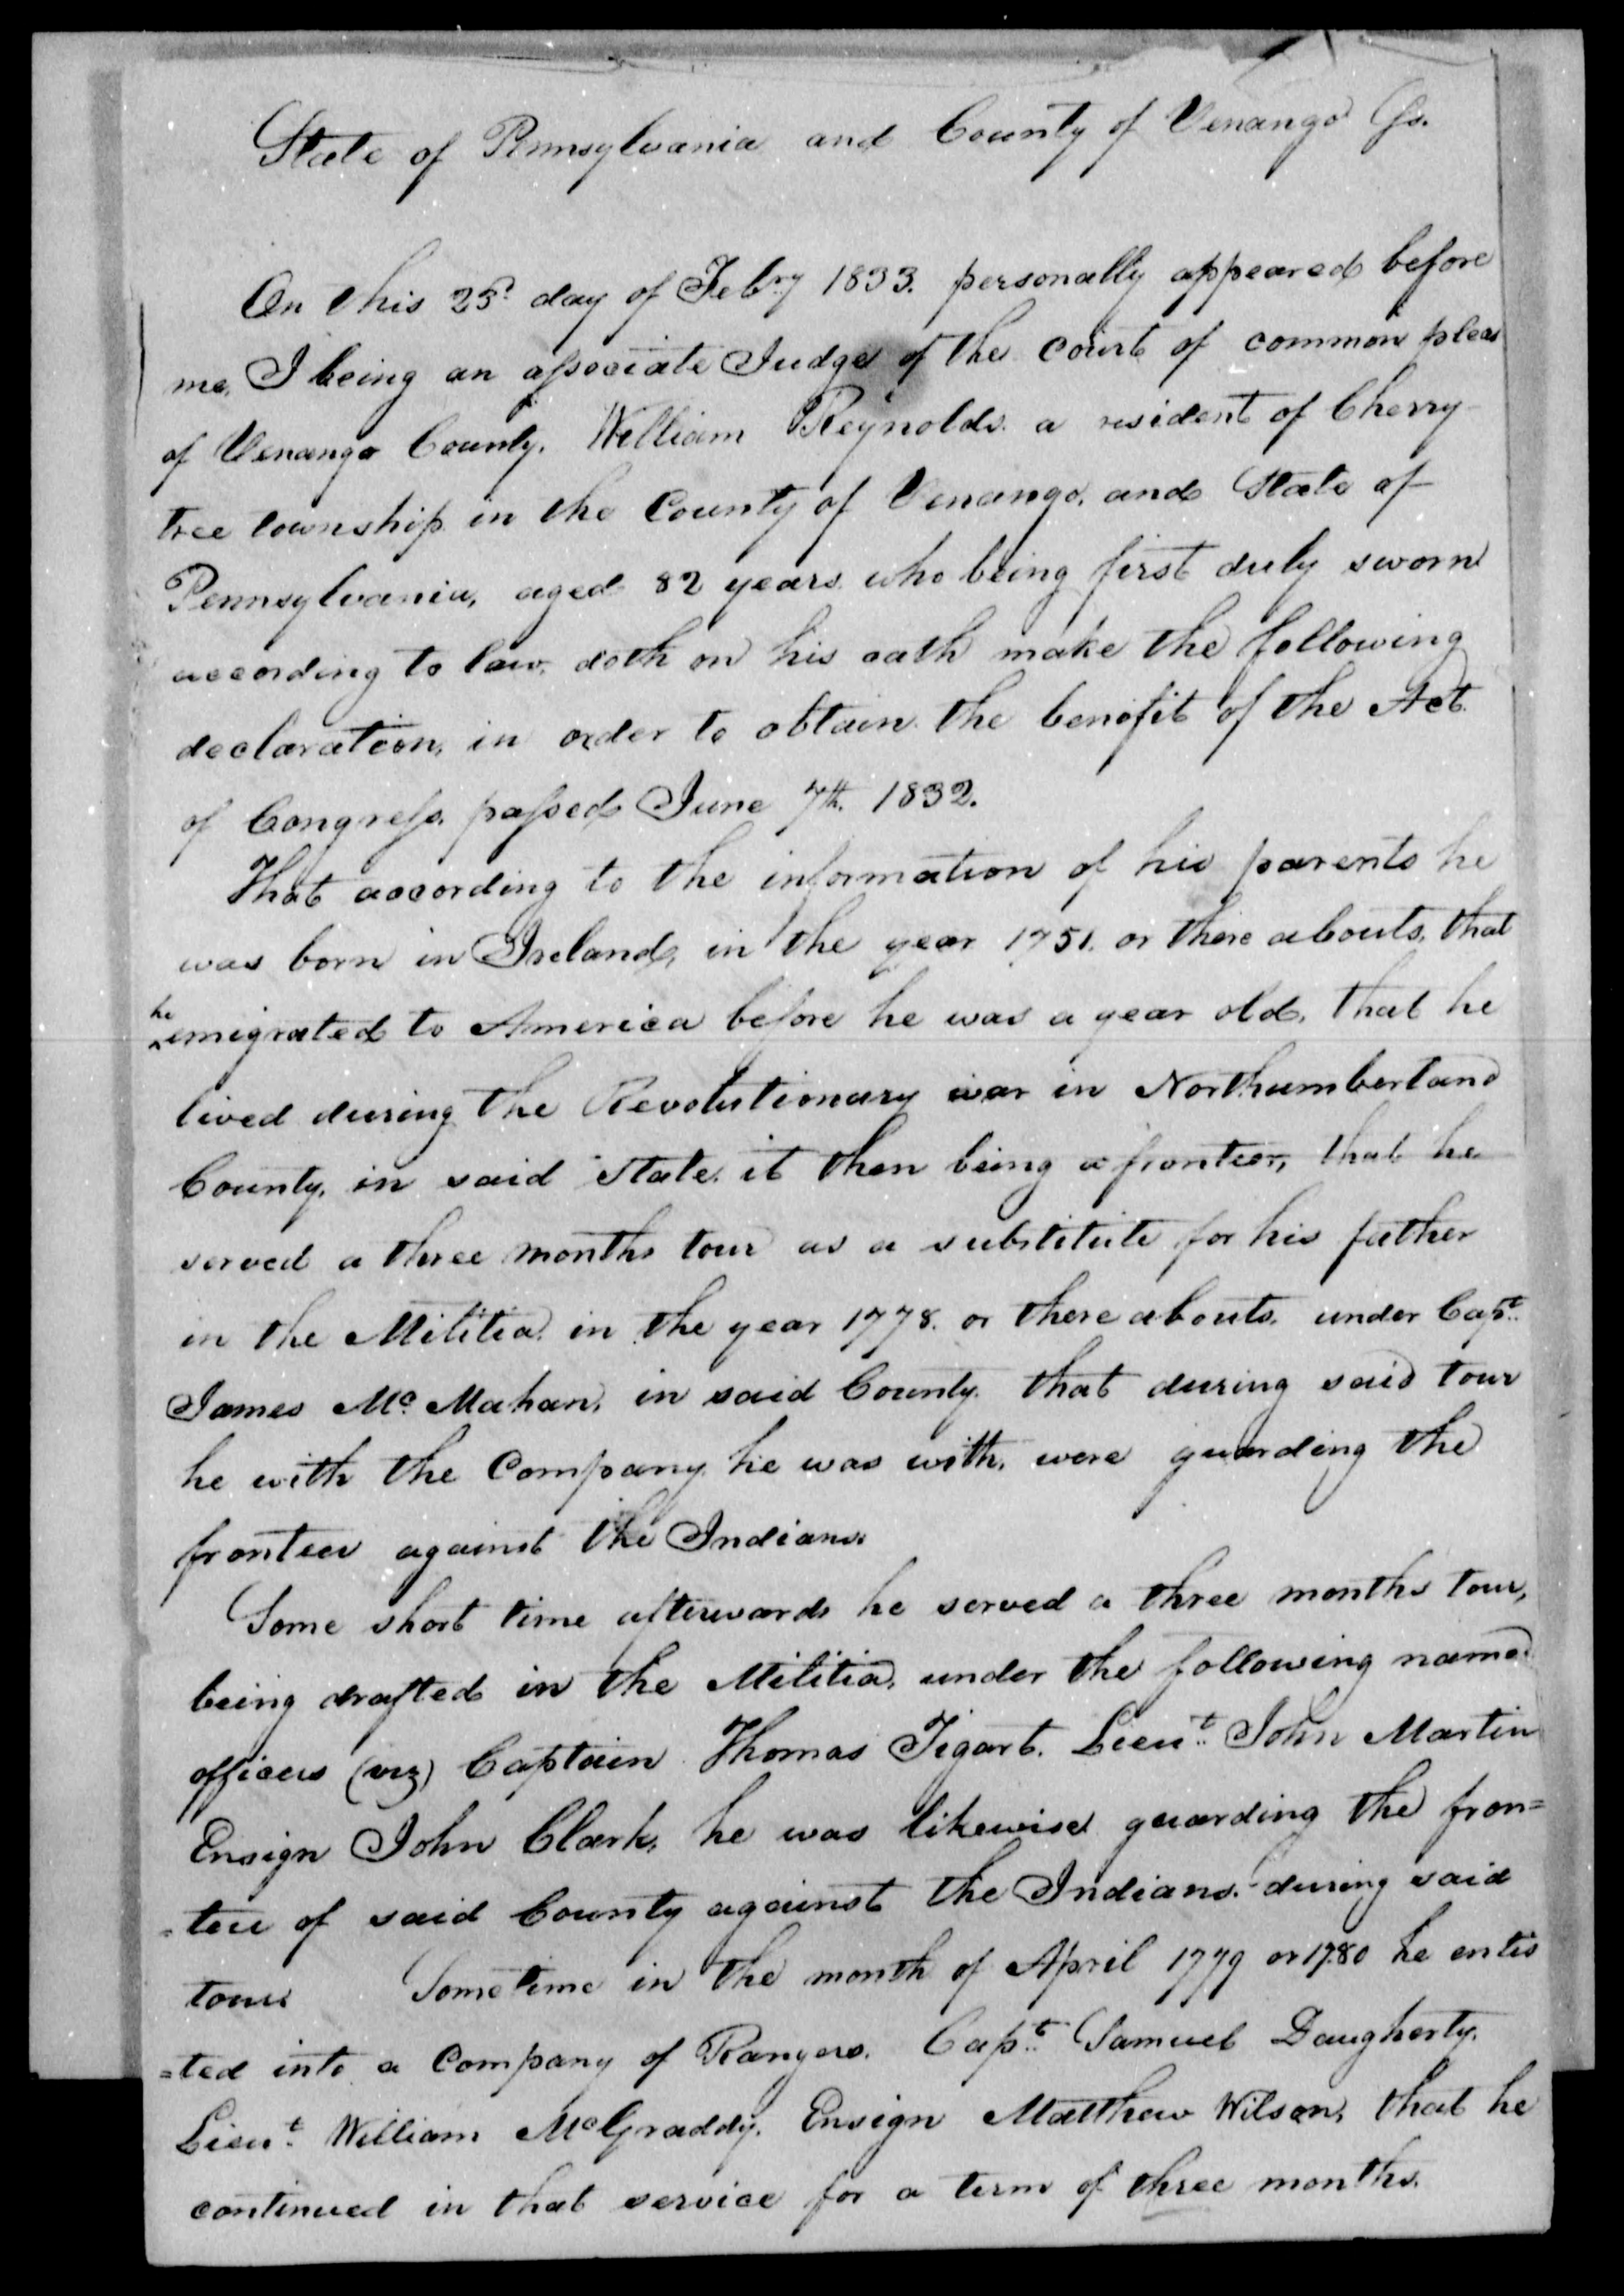State of Pennsylvania and County of Venango 
On this 25 day of Febry 1833 personally appeared before
me I being an associate Judge of the Court of Common pleas
of Venango County, William Reynolds a resident of Cherry
the township in the County of Venango and State of
Pennsylvania, aged 82 years who being first duly sworn
according to law, doth on his oath make the following
declaration in order to obtain the benefit of the Act
of Congress passed June 7th 1832.
That according to the information of his parents he
was born in Ireland, in the year 1751. or there abouts, that
he emigrated to America before he was a year old, that he
lived during the Revolutionary war in Northumberland
County in said State, it then being a frontier, that he
served a three months tour as a substitute for his father
in the Militia in the year 1778 or thereabouts under Capt
James McMahan, in said County that during said tour
he with the company he was with, were guarding the
frontier against the Indians.
Some short time afterwards he served a three months tour,
being drafted in the Militia, under the following named
officers (viz) Captain Thomas Tigart, Lieut. John Martin
Ensign John Clark, he was likewise guarding the frontier
of said County against the Indians during said
tour. Sometime in the month of April 1779 or 1780 he enlisted
into a company of Rangers, Capt Samuel Daugherty,
Lieut William McGrady Ensign Matthew Wilson, that he
continued in that service for a term of three months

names: William Mc Graddy; James Mc Mahan; John Clark; Samuel Daugherty; Thomas Tigart; Matthew Wilson; William Reynolds; John Martin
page: 3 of 19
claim: survivor's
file: S. 14,273, for William Reynolds, Pennsylvania